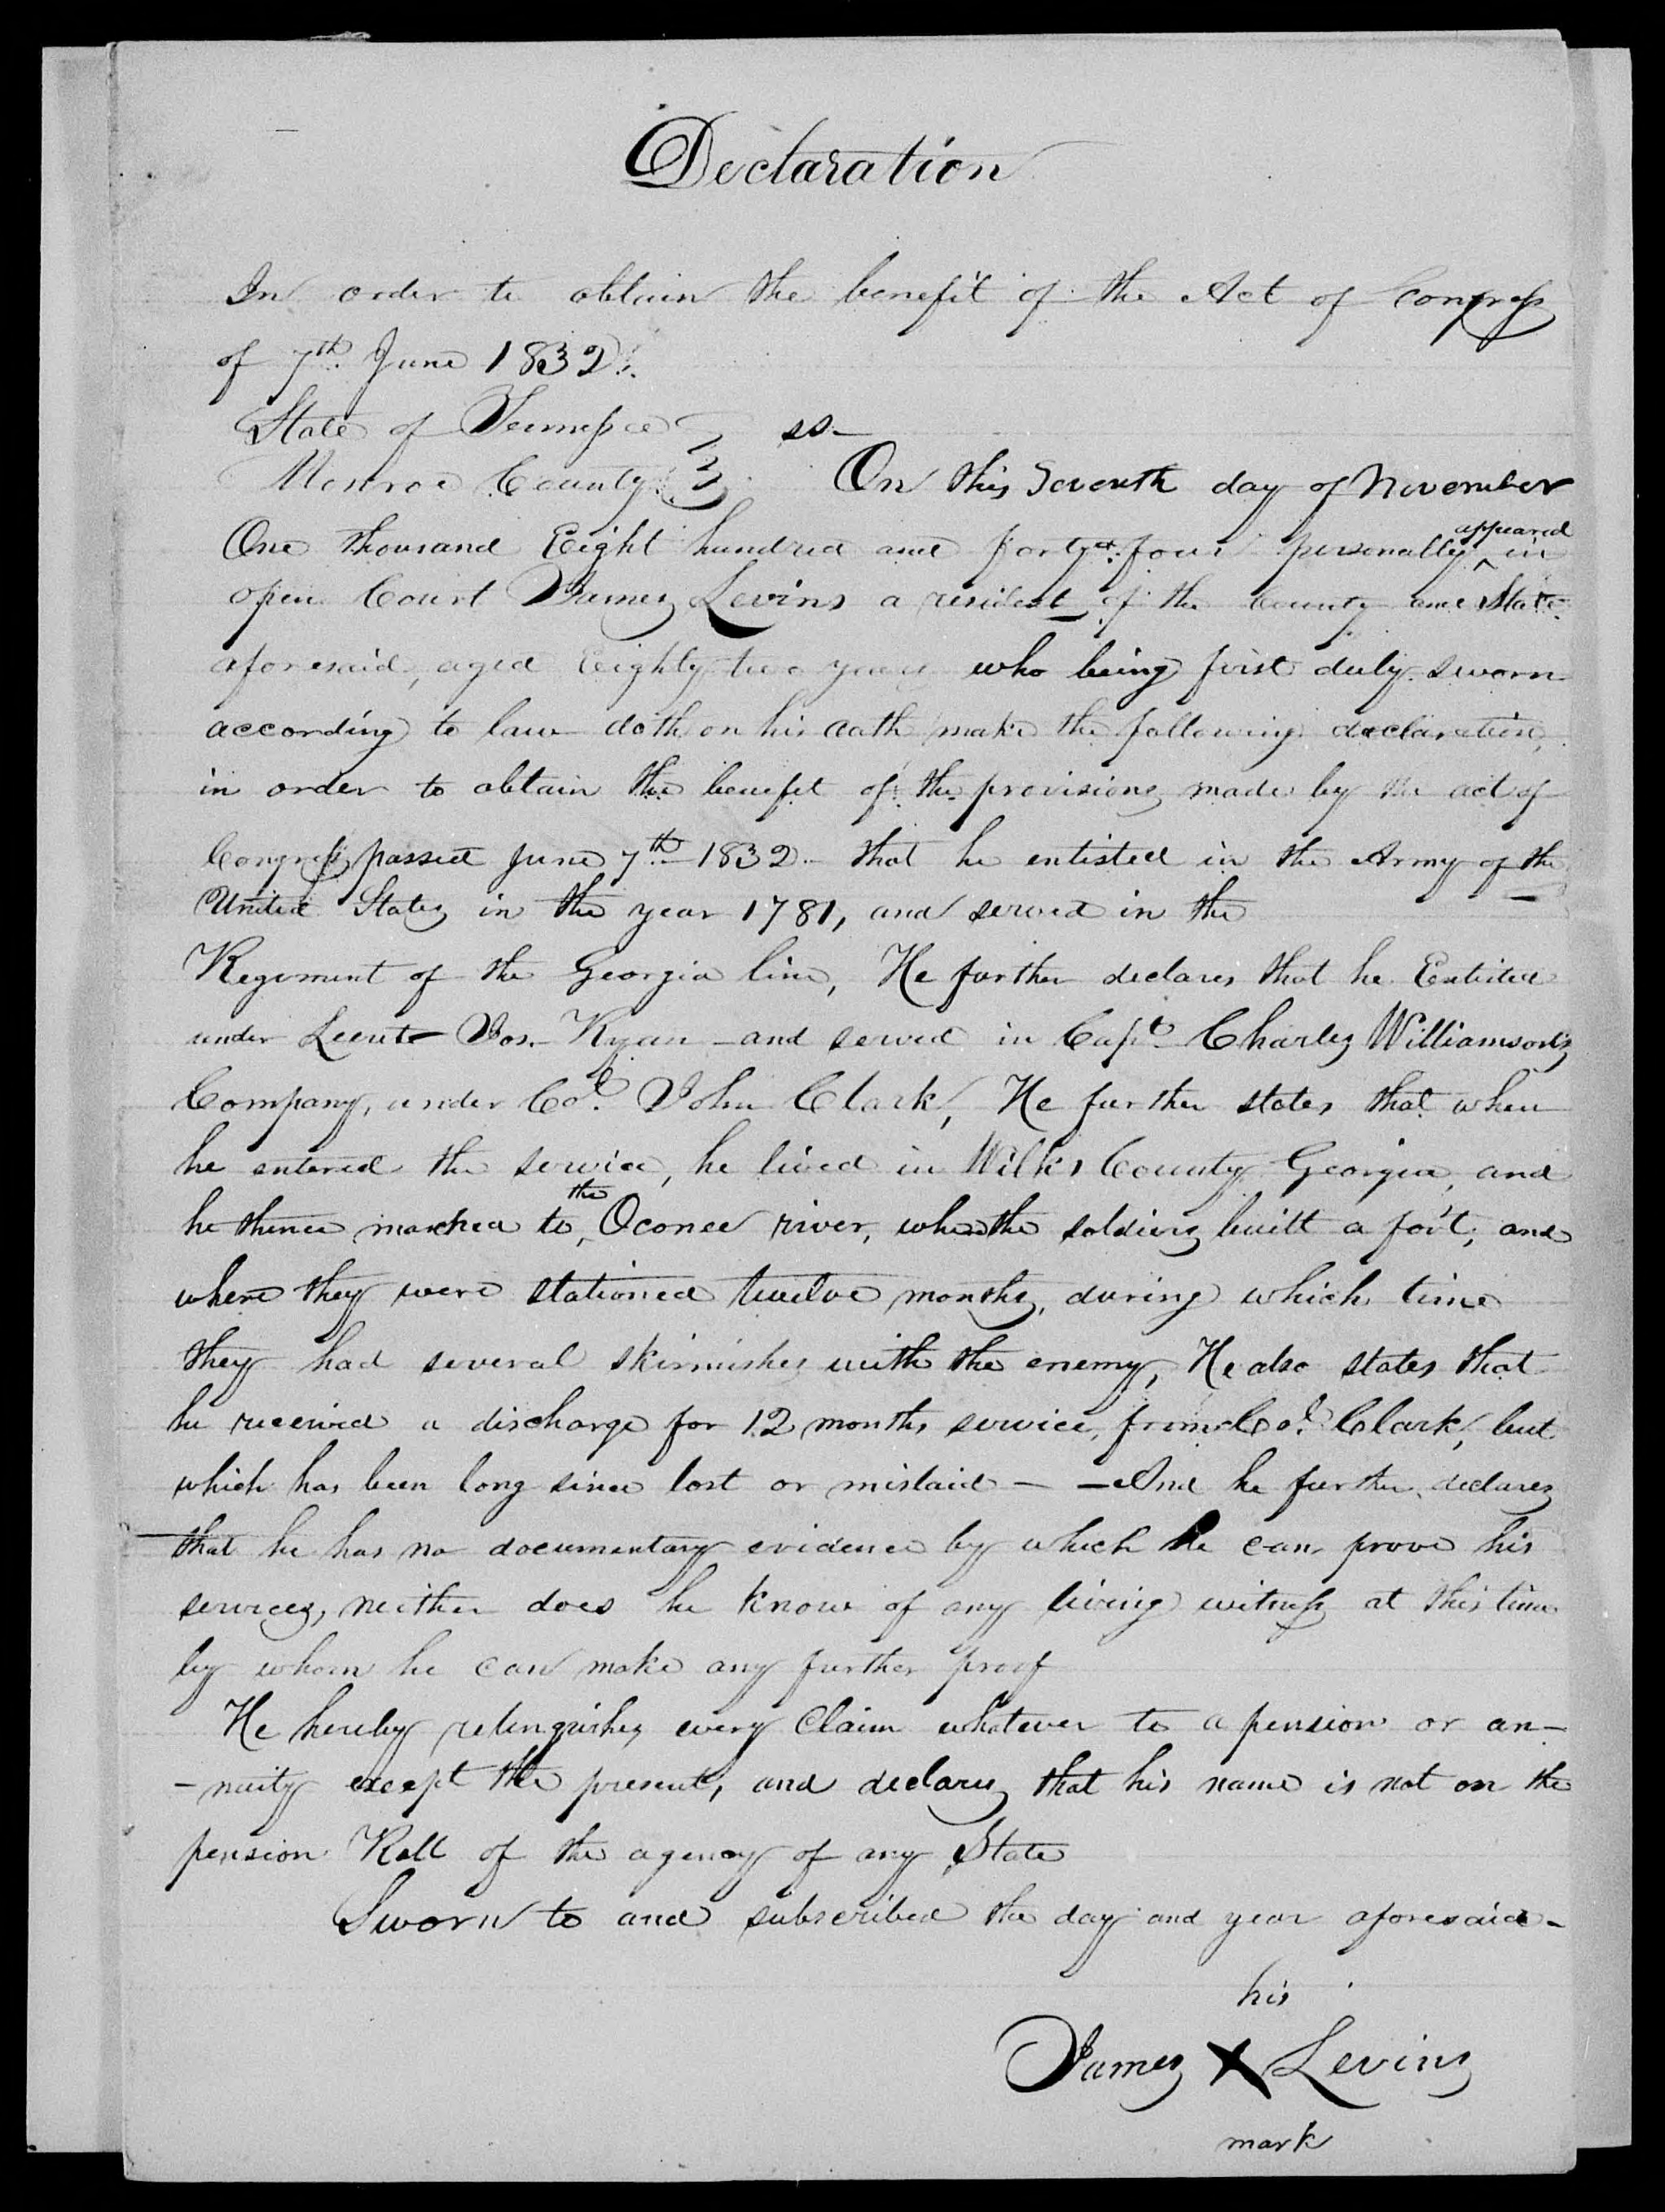Declaration
In order to obtain the benefit of the Act of congress of 7th June 1832.
State of Tennessee 
Monroe County
Sir-
on this seventh day of November One thousand eight hundred and forty four personally appeared in open court James Levins a resident of the county and state aforesaid, aged eighty two years who being first duly sworn according to law doth on his oath make the following declaration in order to obtain the benefit of the provisions made by the act of congress passed June 7th 1832 that he enlisted in the Army of the United States in the year 1781, and served in the Regiment of the Georgia line, He further declares that he enlisted under Lieut. Jos Ryan and served in Capt. Charly Williamson's Company, under Col. John Clark, He further states that when he entered the service, he lived in Wilkes County Georgia and he thence marched to the Oconee river, where the soldiers built a fort and where they were stationed twelve  months, during which time they had several skirmishes with the enemy, he also states that he received a discharge for 12 months service from Col. Clark, but which has been long since lost or mislaid - and he further declares that he has no documentary evidence by which he can prove his services, neither does he know of any living witness at this time by whom he can make any further proof. 
He hereby relinquishes every claim whether to a pension or annuity except the present, and declares that his name is not on the pension Roll of the agency of any state
Sworn to and subscribed this day and year aforesaid 
his
James X Levins
mark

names: John Clark; James Levins; Jos Ryan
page: 5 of 10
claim: rejected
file: R. 7,607, for James Levins, Georgia